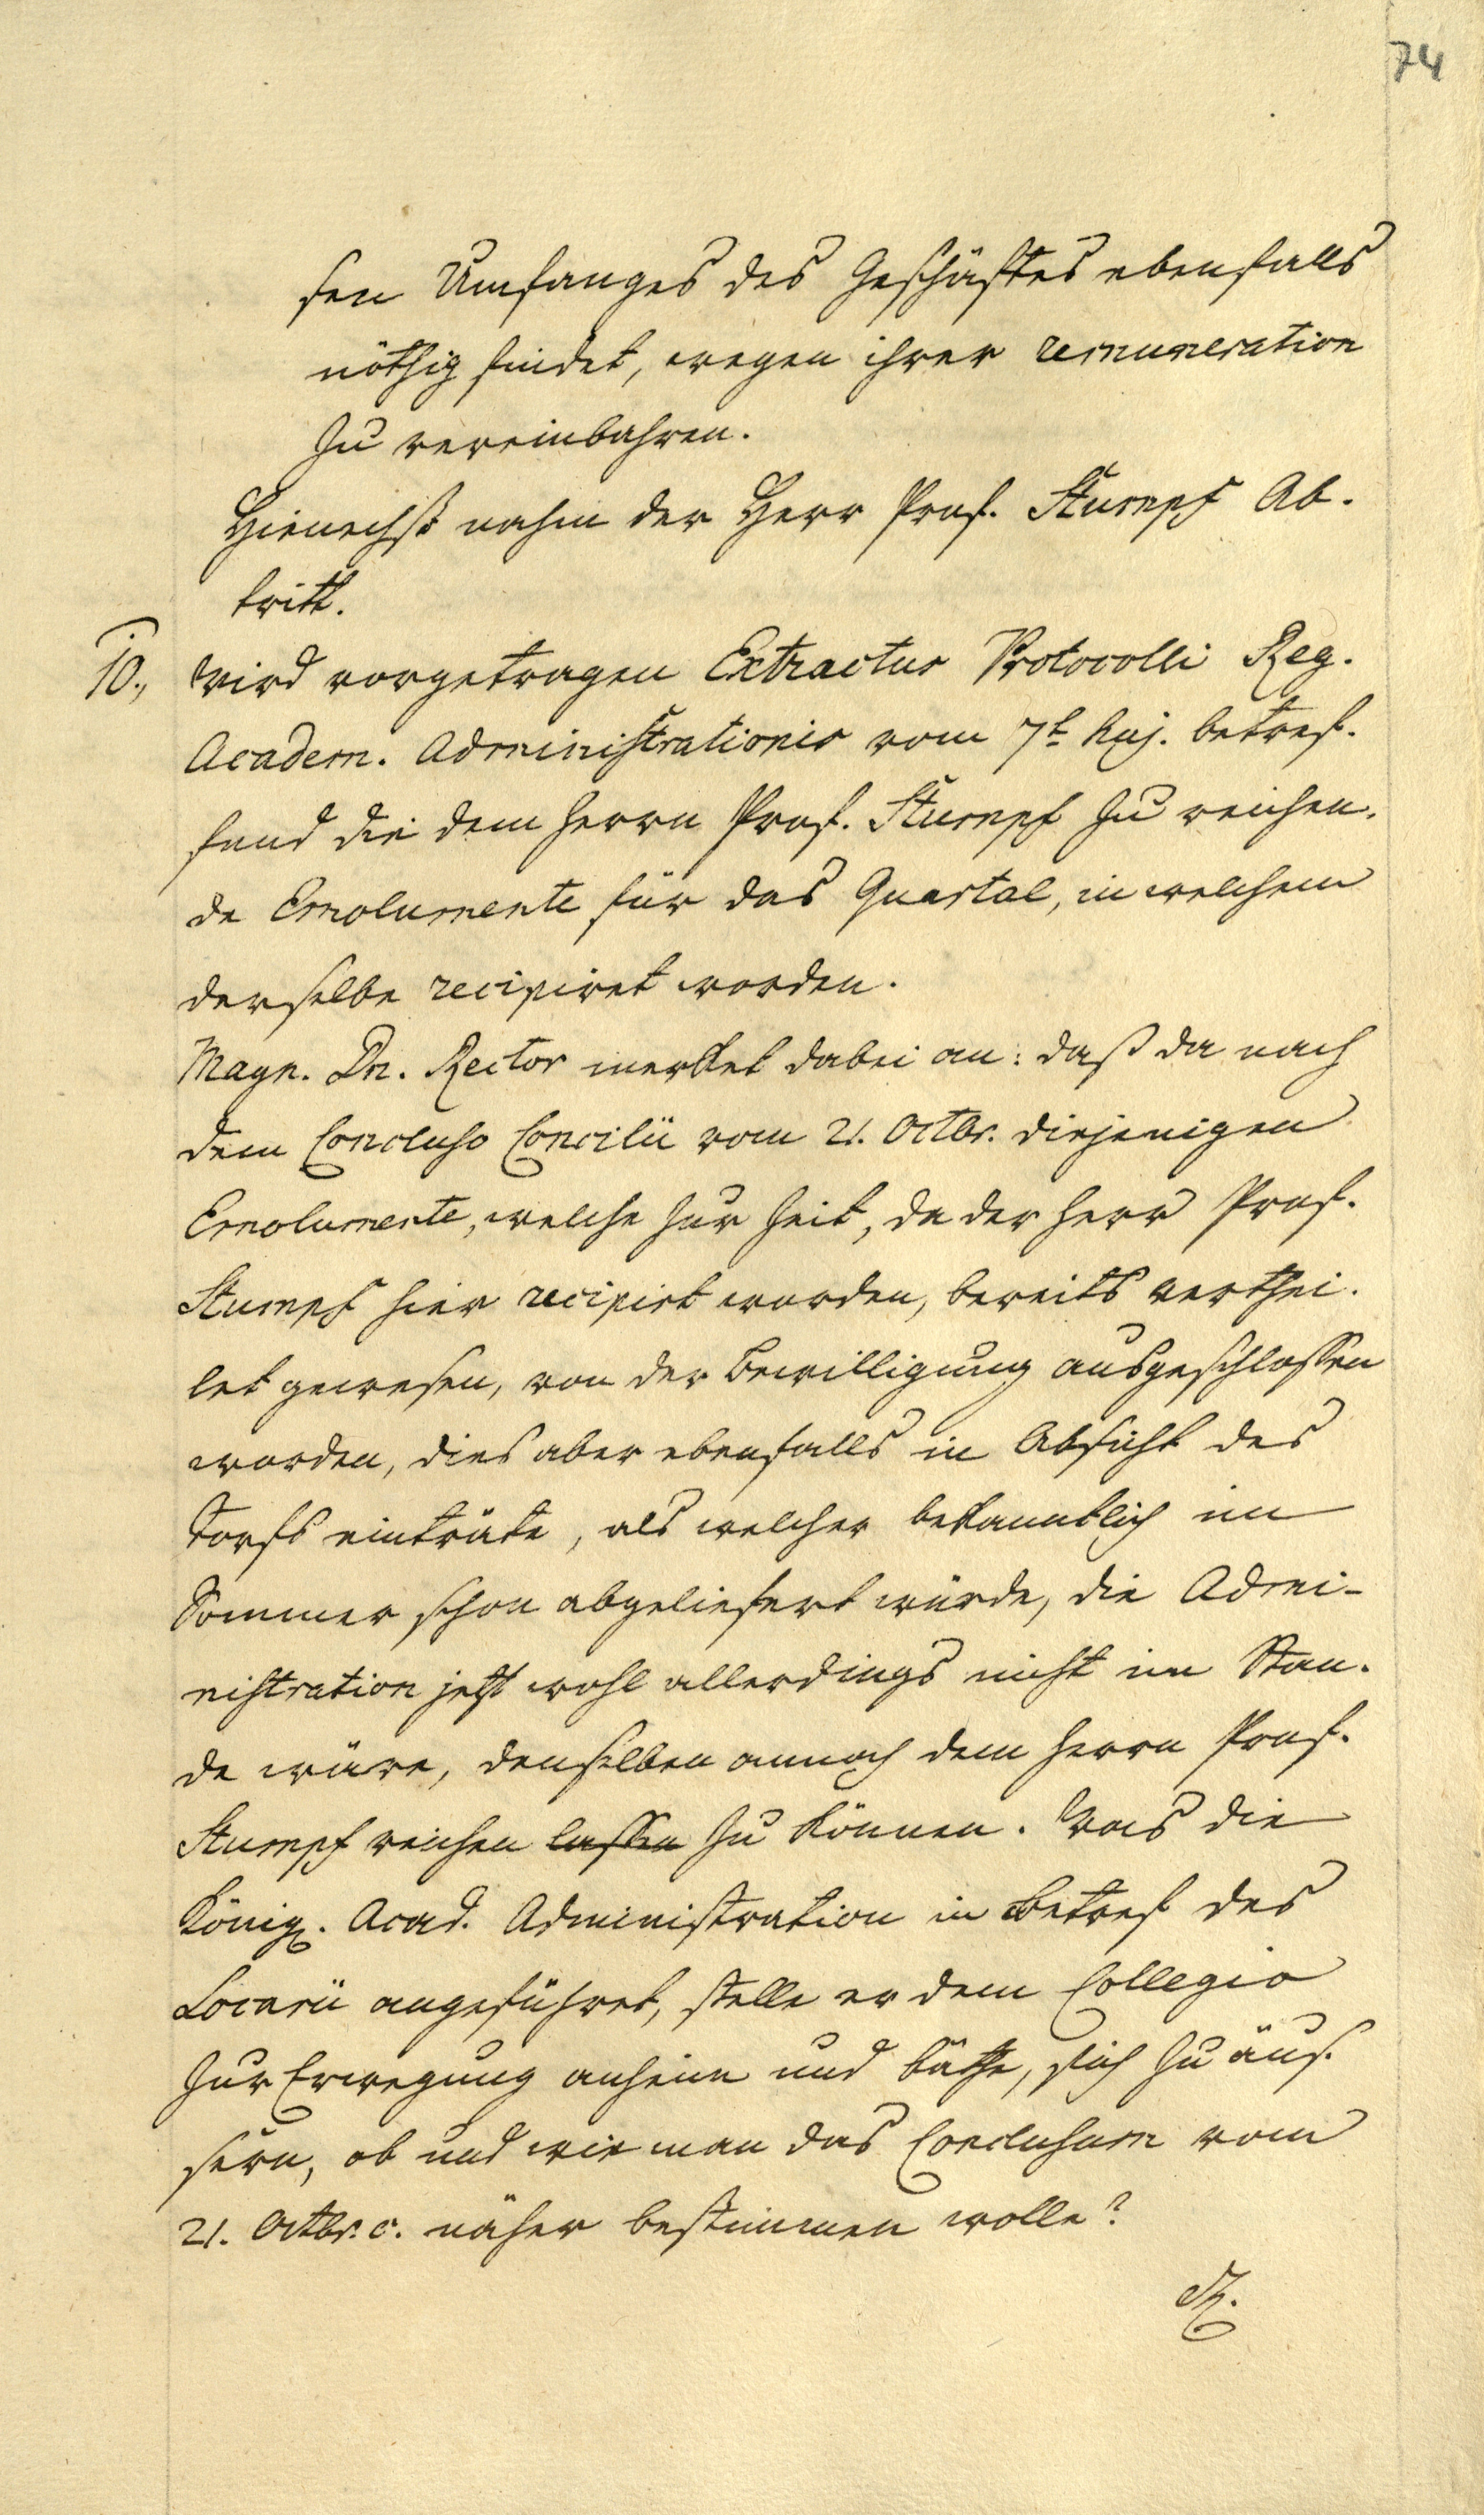sen Umfanges des Geschäftes ebenfalls
nöthig findet, wegen ihrer remuneration
zu vereinbahren.
Hienechst nahm der Herr Prof. Stumpf Ab-
tritt.
10., Wird vorgetragen Extractus Protocolli Reg.
Academ. Administrationis vom 7 t huj. betref¬
fend die dem Herrn Prof. Stumpf zu reichen¬
de Emolumente für das Quartal, in welchem
derselbe recipiret worden.
Magn. Dn. Rector merket dabei an: daß da nach
dem Concluso Concilii vom 21. Octbr. diejenigen
Emolumente, welche zur Zeit, da der Herr Prof.
Stumpf hier recipirt worden, bereits verthei¬
let gewesen, von der Bewilligung ausgeschlossen
worden, dies aber ebenfalls in Absicht des
Torfs einträte, als welcher bekanntlich im
Sommer schon abgeliefert würde, die Admi¬
nistration jetzt wohl allerdings nicht im Stan¬
de wäre, denselben annoch dem Herrn Prof.
Stumpf reichen lassen zu können. Was die
Königl. Acad. Administration in Betref des
Locarii angeführet, stelle er dem Collegio
zur Erwegung anheim und bäthe, sich zu äus¬
sern, ob und wie man das Conclusum vom
21. Octbr. c. näher bestimmen wolle?
dh.